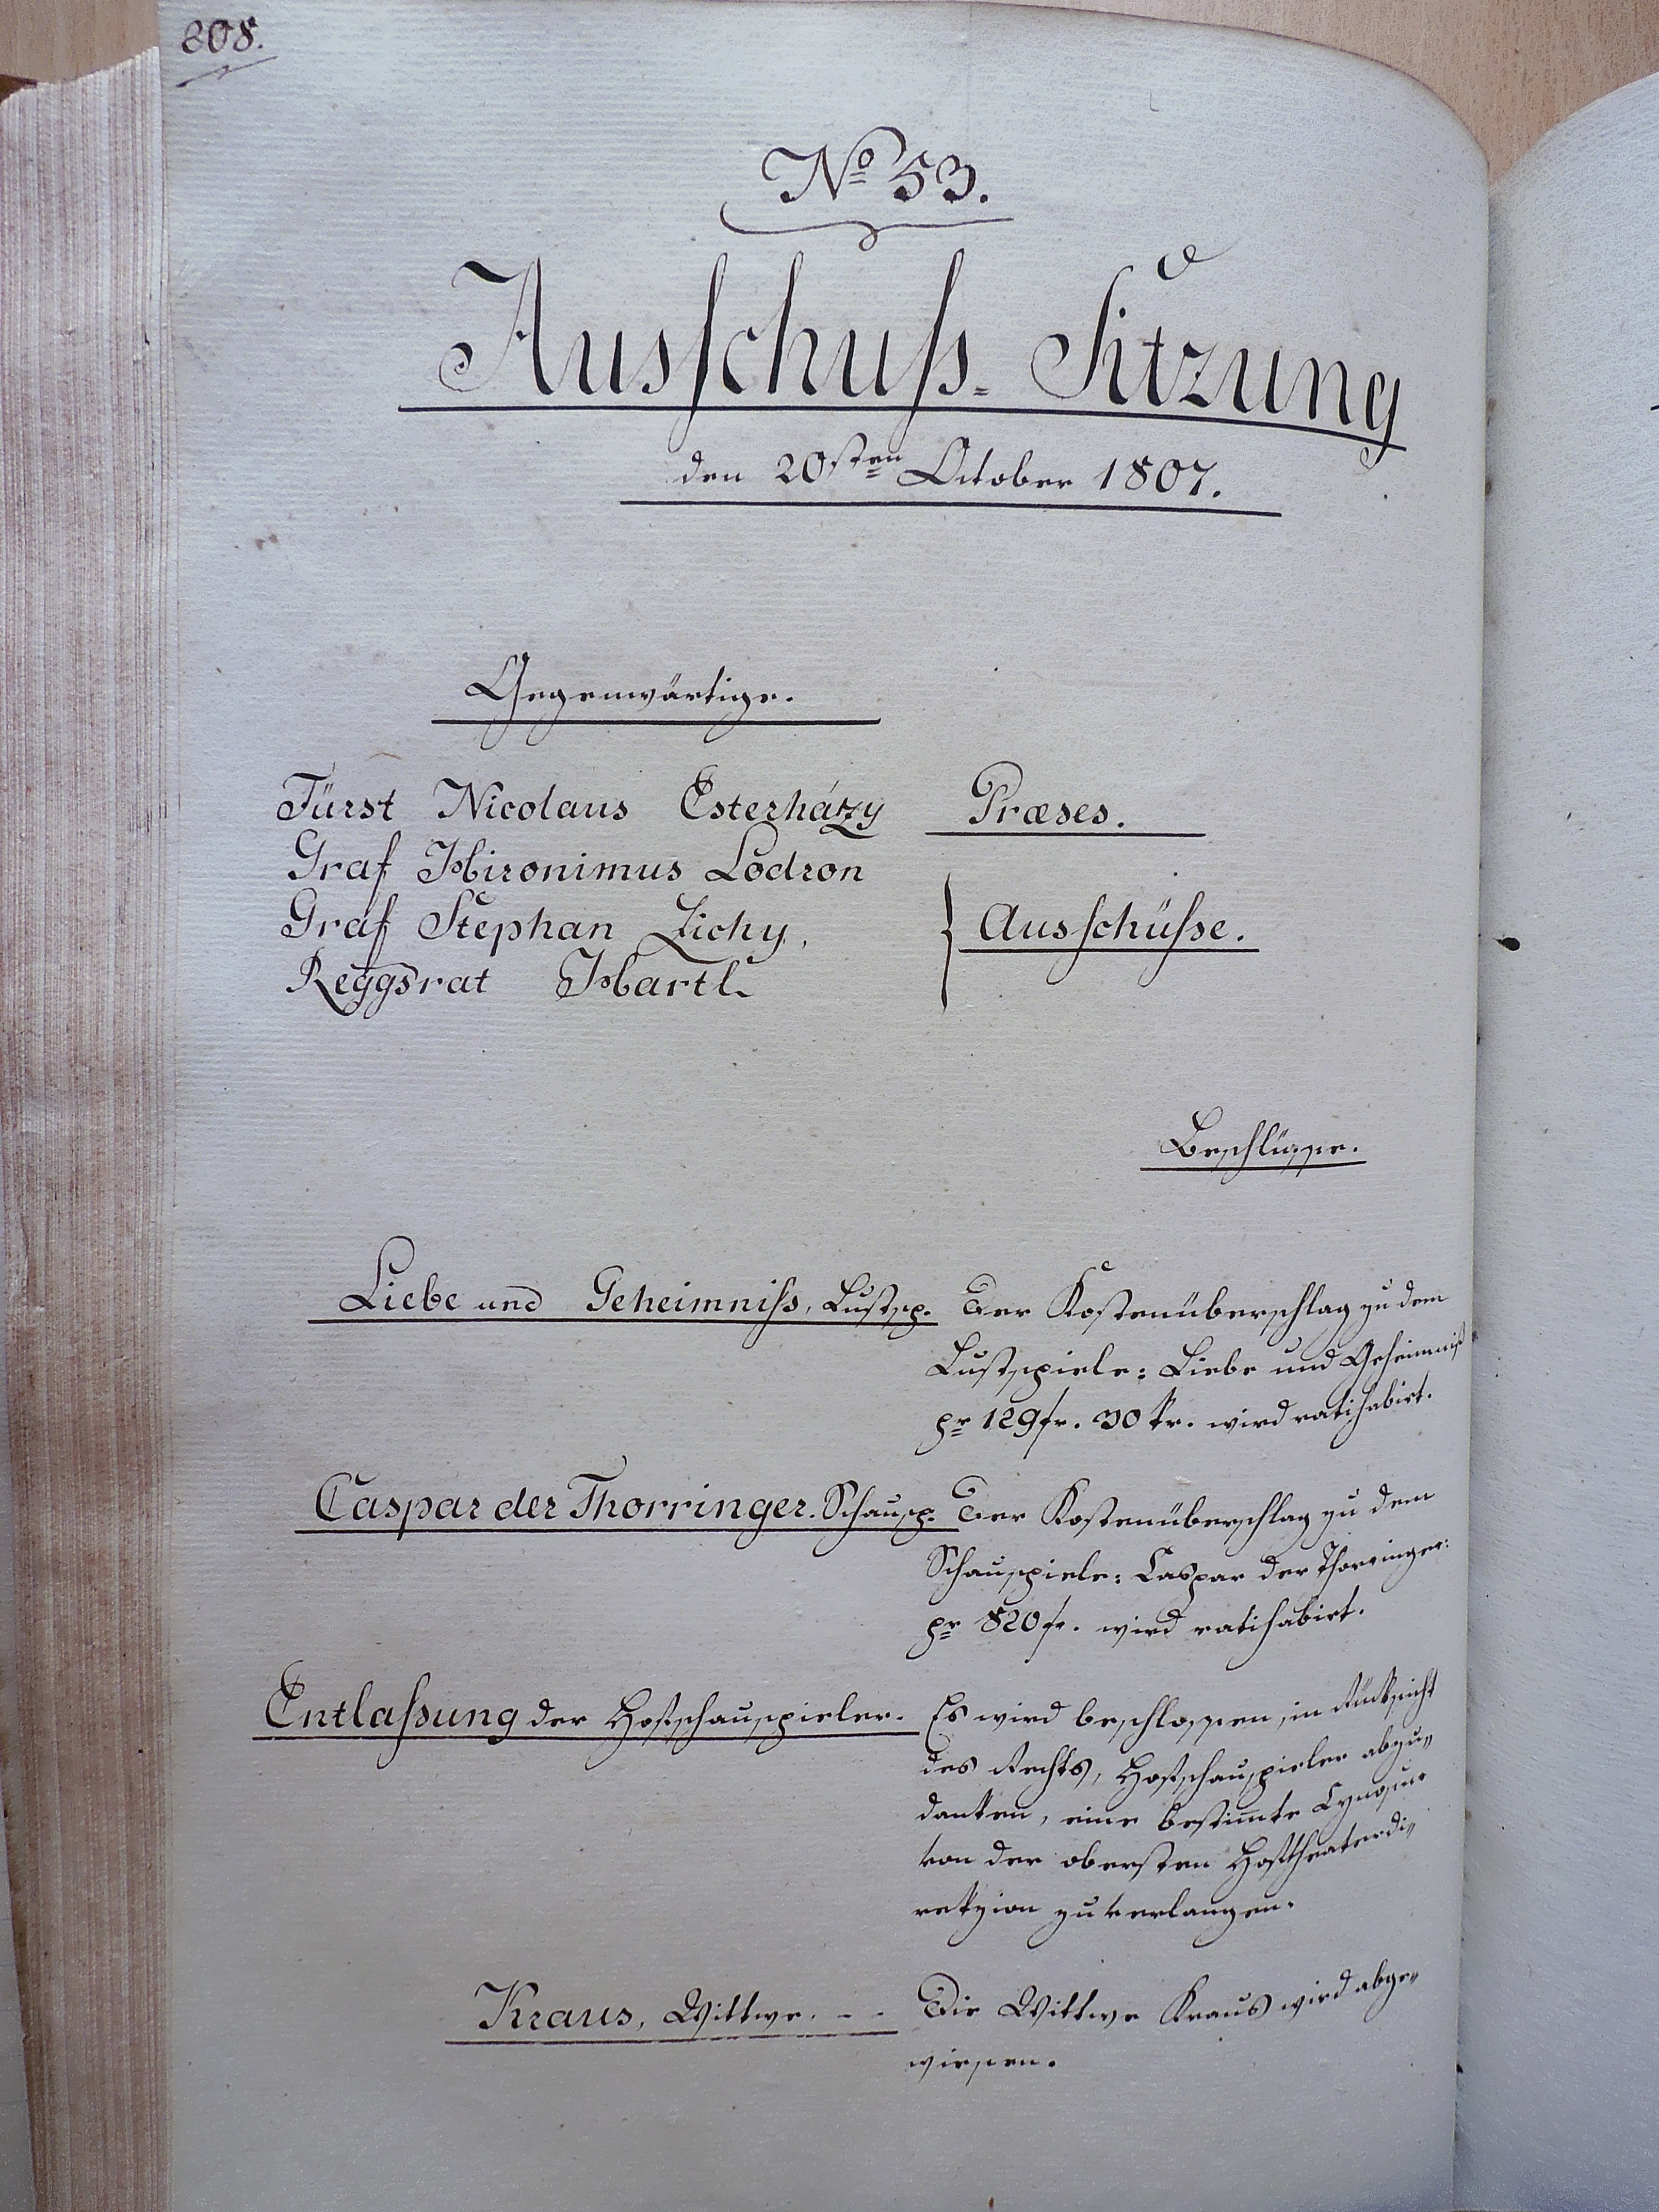208.
No͇ 53.
Ausschuss‗Sitzung
den 20ste͇n October 1807.
Gegenwärtige.
Fürst Nicolaus Esterházy Præses.
Graf Hironimus Lodron
Graf Stephan Zichy,
Reg͞gsrath Hartl
Ausschüsse.
Beschlüsse.
Liebe und Geheimniss, Lustsp. Der Kostenüberschlag zu dem
Lustspiele: Liebe und Geheimniß
pr͇ 129fr. 30kr. wird ratihabirt.
Caspar der Thorringer, Schausp. Der Kostenüberschlag zu dem
Schauspiele: Caspar der Thorringer:
pr͇ 820fr. wird ratihabirt.
Entlassung der Hofschauspieler. Es wird beschlossen, in Rücksicht
des Rechts, Hofschauspieler abzu¬
danken, eine bestim̅te Cynosur
von der obersten Hoftheaterdi¬
rekzion zuverlangen.
Kraus, Wittwe. .. . Die Wittwe Kraus wird abge¬
wiesen.